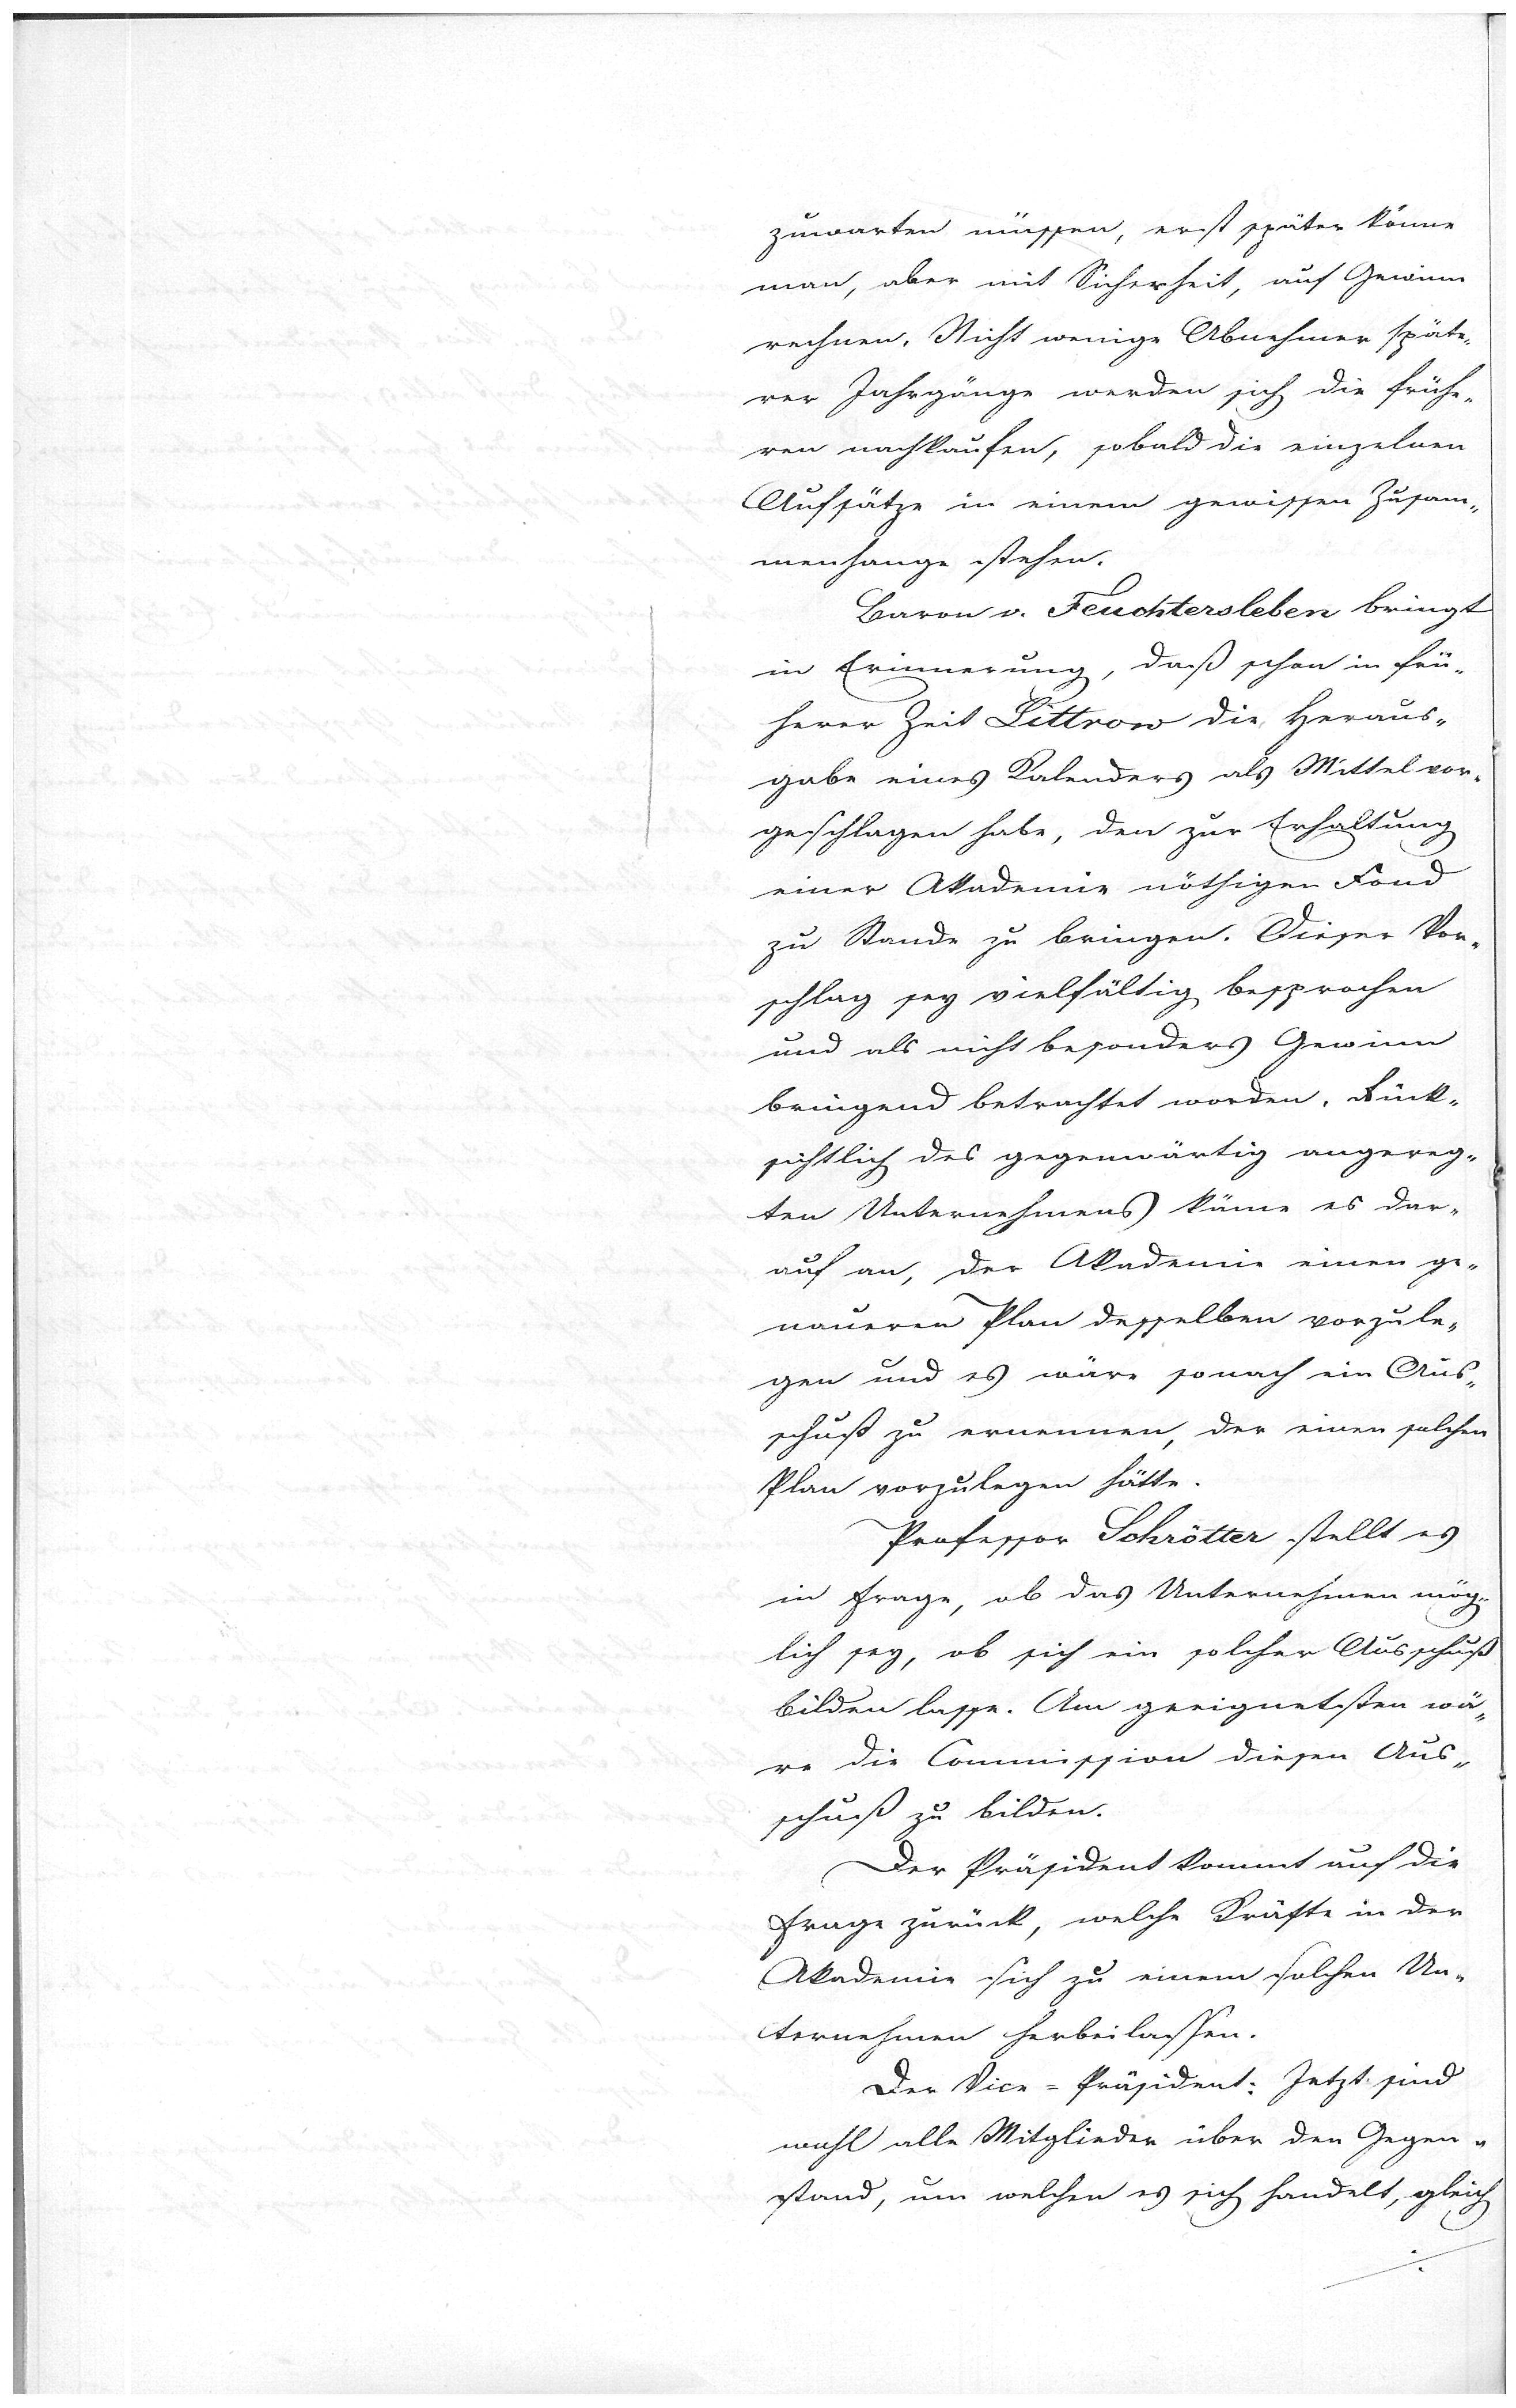zuwarten müssen, erst später könne
man, aber mit Sicherheit, auf Gewinn
rechnen. Nicht wenige Abnehmer späte-
rer Jahrgänge werden sich die frühe-
ren nachkaufen, sobald die einzelnen
Aufsätze in einem gewissen Zusam-
menhange stehen.
Baron v. Feuchtersleben bringt
in Erinnerung, daß schon in frü-
herer Zeit Littrow die Heraus-
gabe eines Kalenders als Mittel vor-
geschlagen habe, den zur Erhaltung
einer Akademie nöthigen Fond
zu Stande zu bringen. Dieser Vor-
schlag sey vielfältig besprochen
und als nicht besonders Gewinn
bringend betrachtet worden. Rück-
sichtlich des gegenwärtig angereg-
ten Unternehmens käme es dar-
auf an, der Akademie einen ge-
naueren Plan desselben vorzule-
gen und es wäre sonach ein Aus-
schuß zu ernennen, der einen solchen
Plan vorzulegen hätte.
Professor Schrötter stellt es
in Frage, ob das Unternehmen mög-
lich sey, ob sich ein solcher Ausschuß
bilden lasse. An geeignetsten wä-
re die Commission diesen Aus-
schluß zu bilden.
Der Präsident kommt auf die
Frage zurück, welche Kräfte in der
Akademie sich zu einem solchen Un-
ternehmen herbeilassen.
Der Vice-Präsident: Jetzt sind
wohl alle Mitglieder über den Gegen-
stand, um welchen es sich handelt, gleich